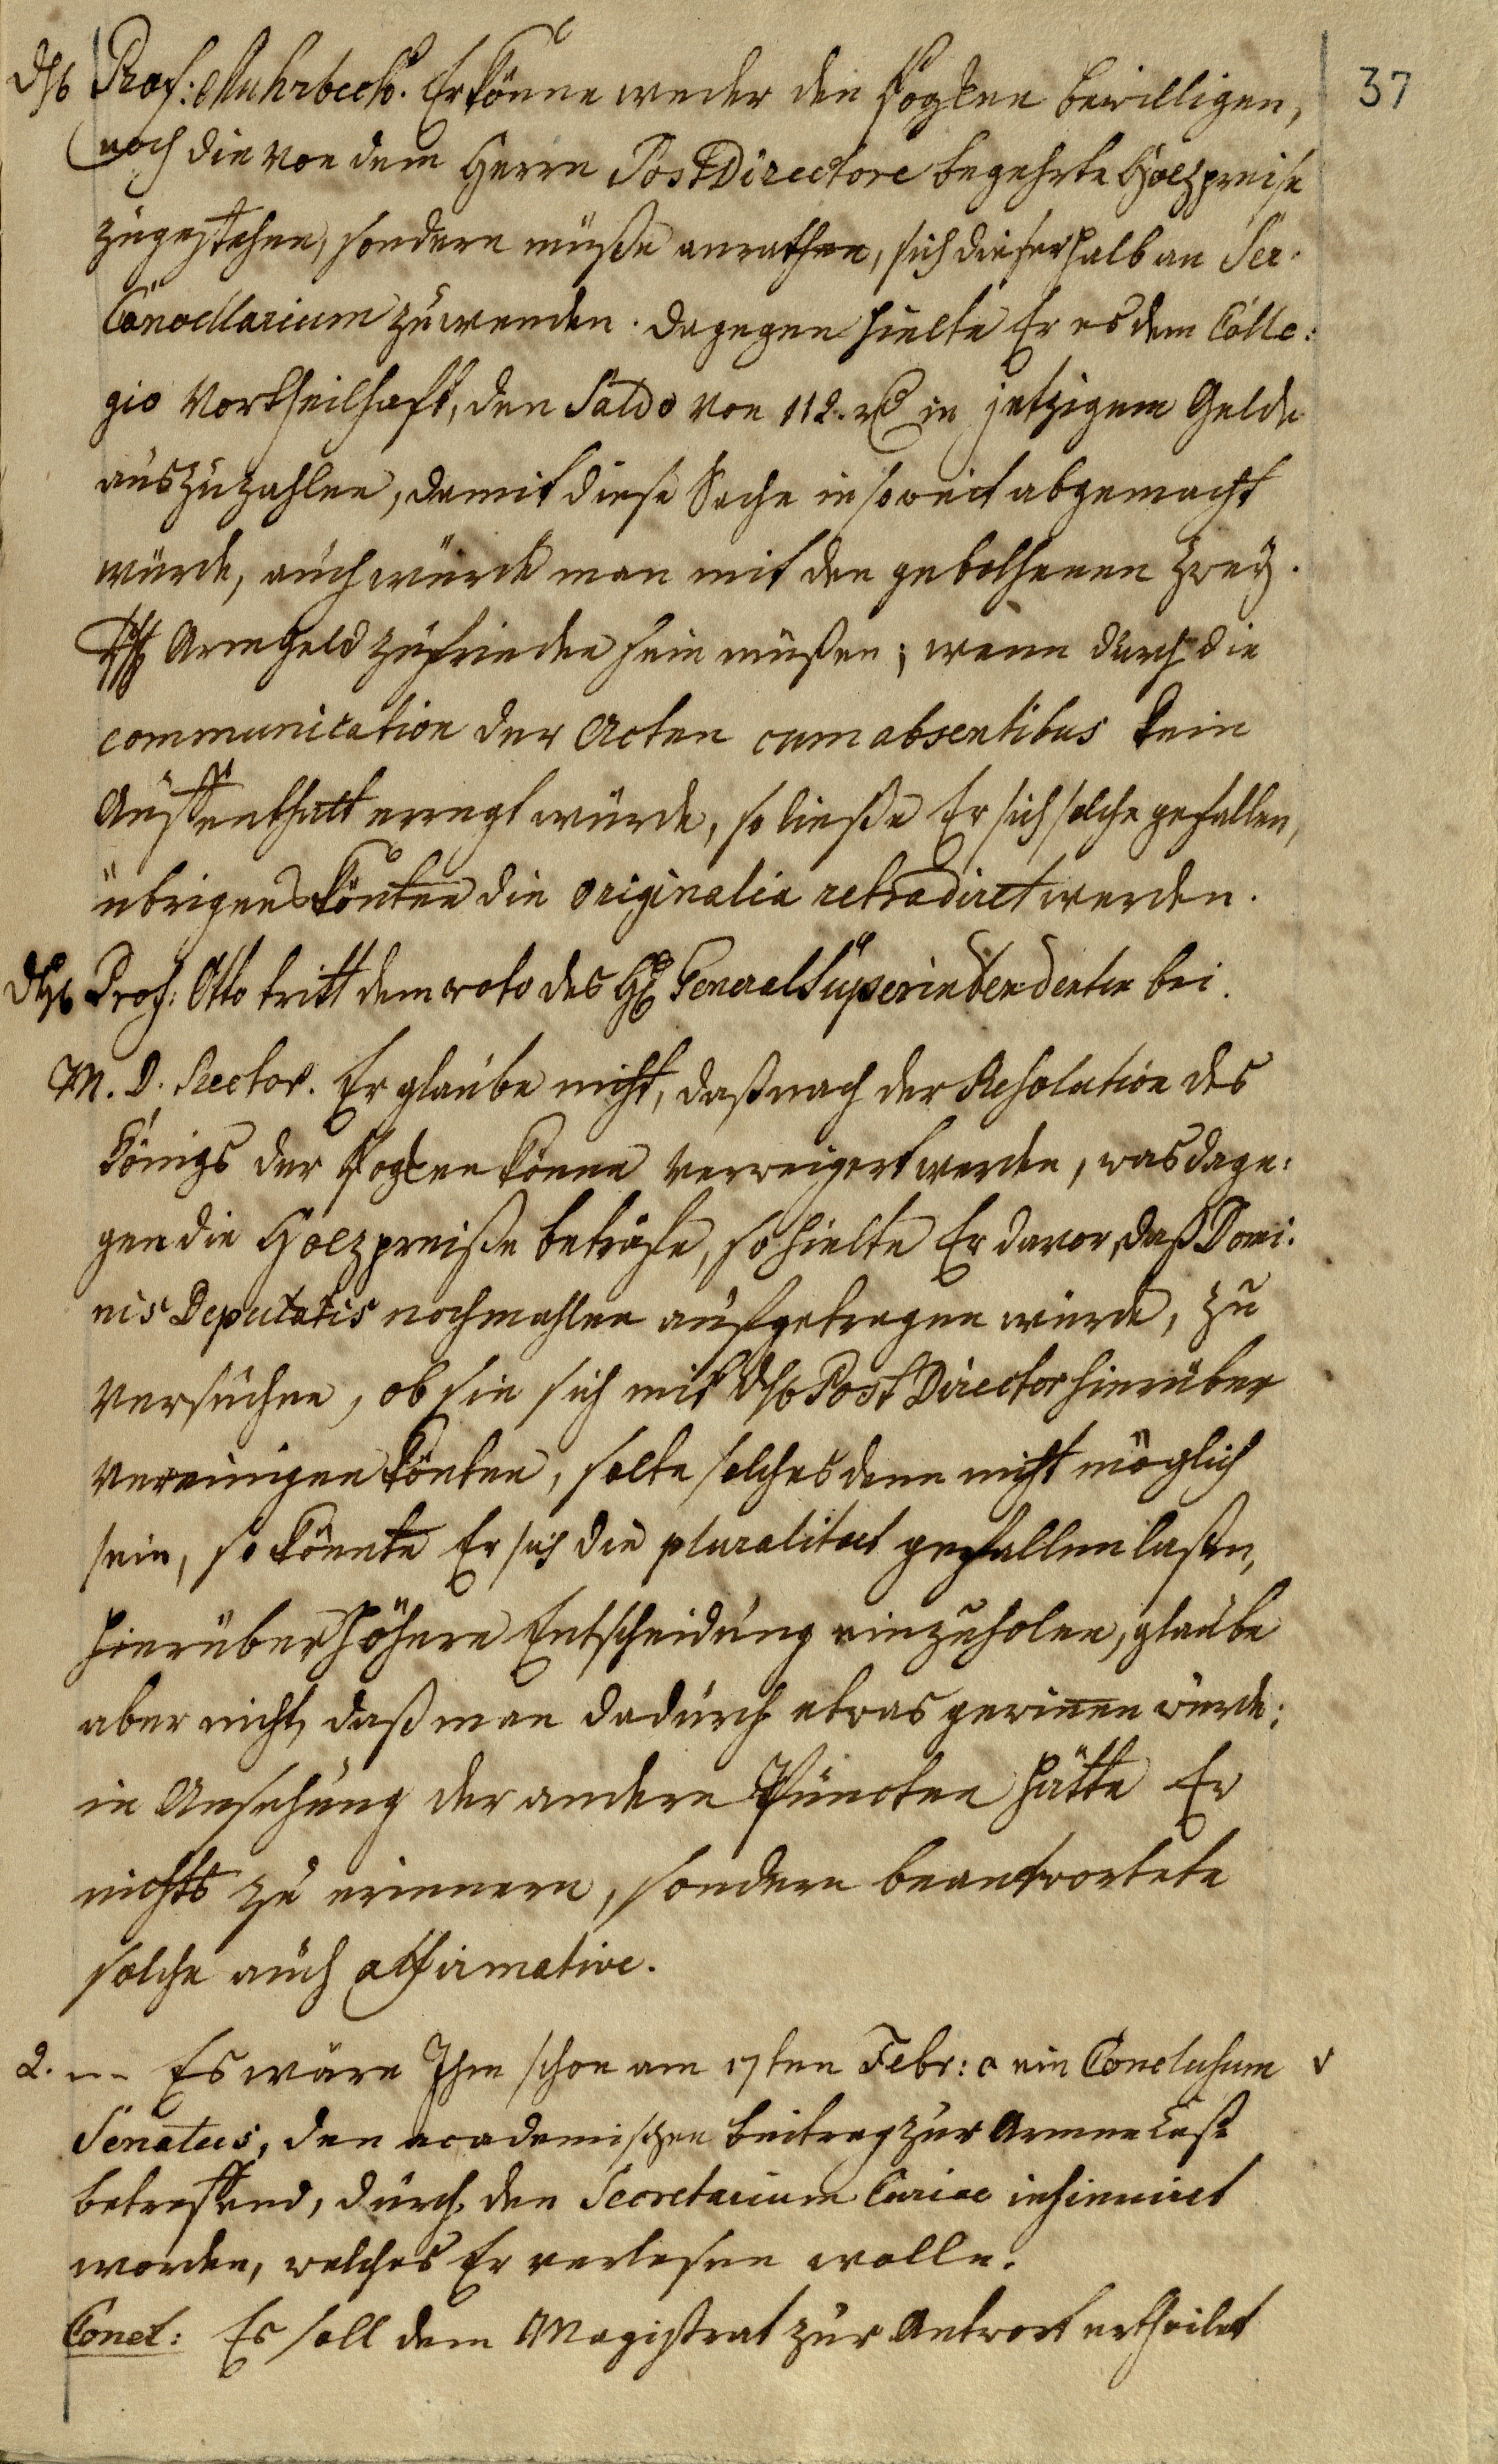dh. Prof. Muhrbeck. Er könne weder den Rogken bewilligen,
noch die von dem Herrn PostDirectore begehrte Holzpreise
zugestehen, sondern müße anrathen, sich dieserhalb an Sr.
Cancellarium zu wenden. Dagegen hielte Er es dem Colle¬
gio vortheilhaft, den Saldo von 112. rt in jetzigem Gelde
auszuzahlen, damit diese Sache in soweit abgemacht
würde, auch würde man mit den gebothenen zweÿ
Rt Armgeld zufrieden sein müßen, wenn durch die
communication der Acten cum absentibus kein
Aufenthalt erregt würde, so ließe Er sich solche gefallen,
übrigens könten die originalia retradiret werden.
dh Prof. Otto tritt dem voto des H. GenerallSuperintendenten bei.
M. D. Rector. Er glaube nicht, daß nach der Resolution des
Königs der Rogken könne verweigert werden, was dage¬
gen die Holzpreiße beträfe, so hielte Er davor, daß Domi¬
nis Deputatis nochmahlen aufgetragen würde, zu
versuchen, ob sie sich mit dh PostDirector hierüber
vereinigen könten, solte solches denn nicht möglich
sein, so könnte Er sich die pluralitaet gefallen laßen,
hierüber höhere Entscheidung einzuholen, glaube
aber nicht, daß man dadurch etwas gewinen würde,
in Ansehung der andern Puncten hätte Er
nichts zu erinnern, sondern beantwortete
solche auch affirmative.
2. Es wäre Ihm schon am 17ten Febr. c ein Conclusum
Senatus, den academischen Beitrag zur Armen Kaße
betreffend, durch den Secretarium Curiae insinuiret
worden, welches Er verlesen wolle.
Concl. Es soll dem Magistrat zur Antwort ertheilet